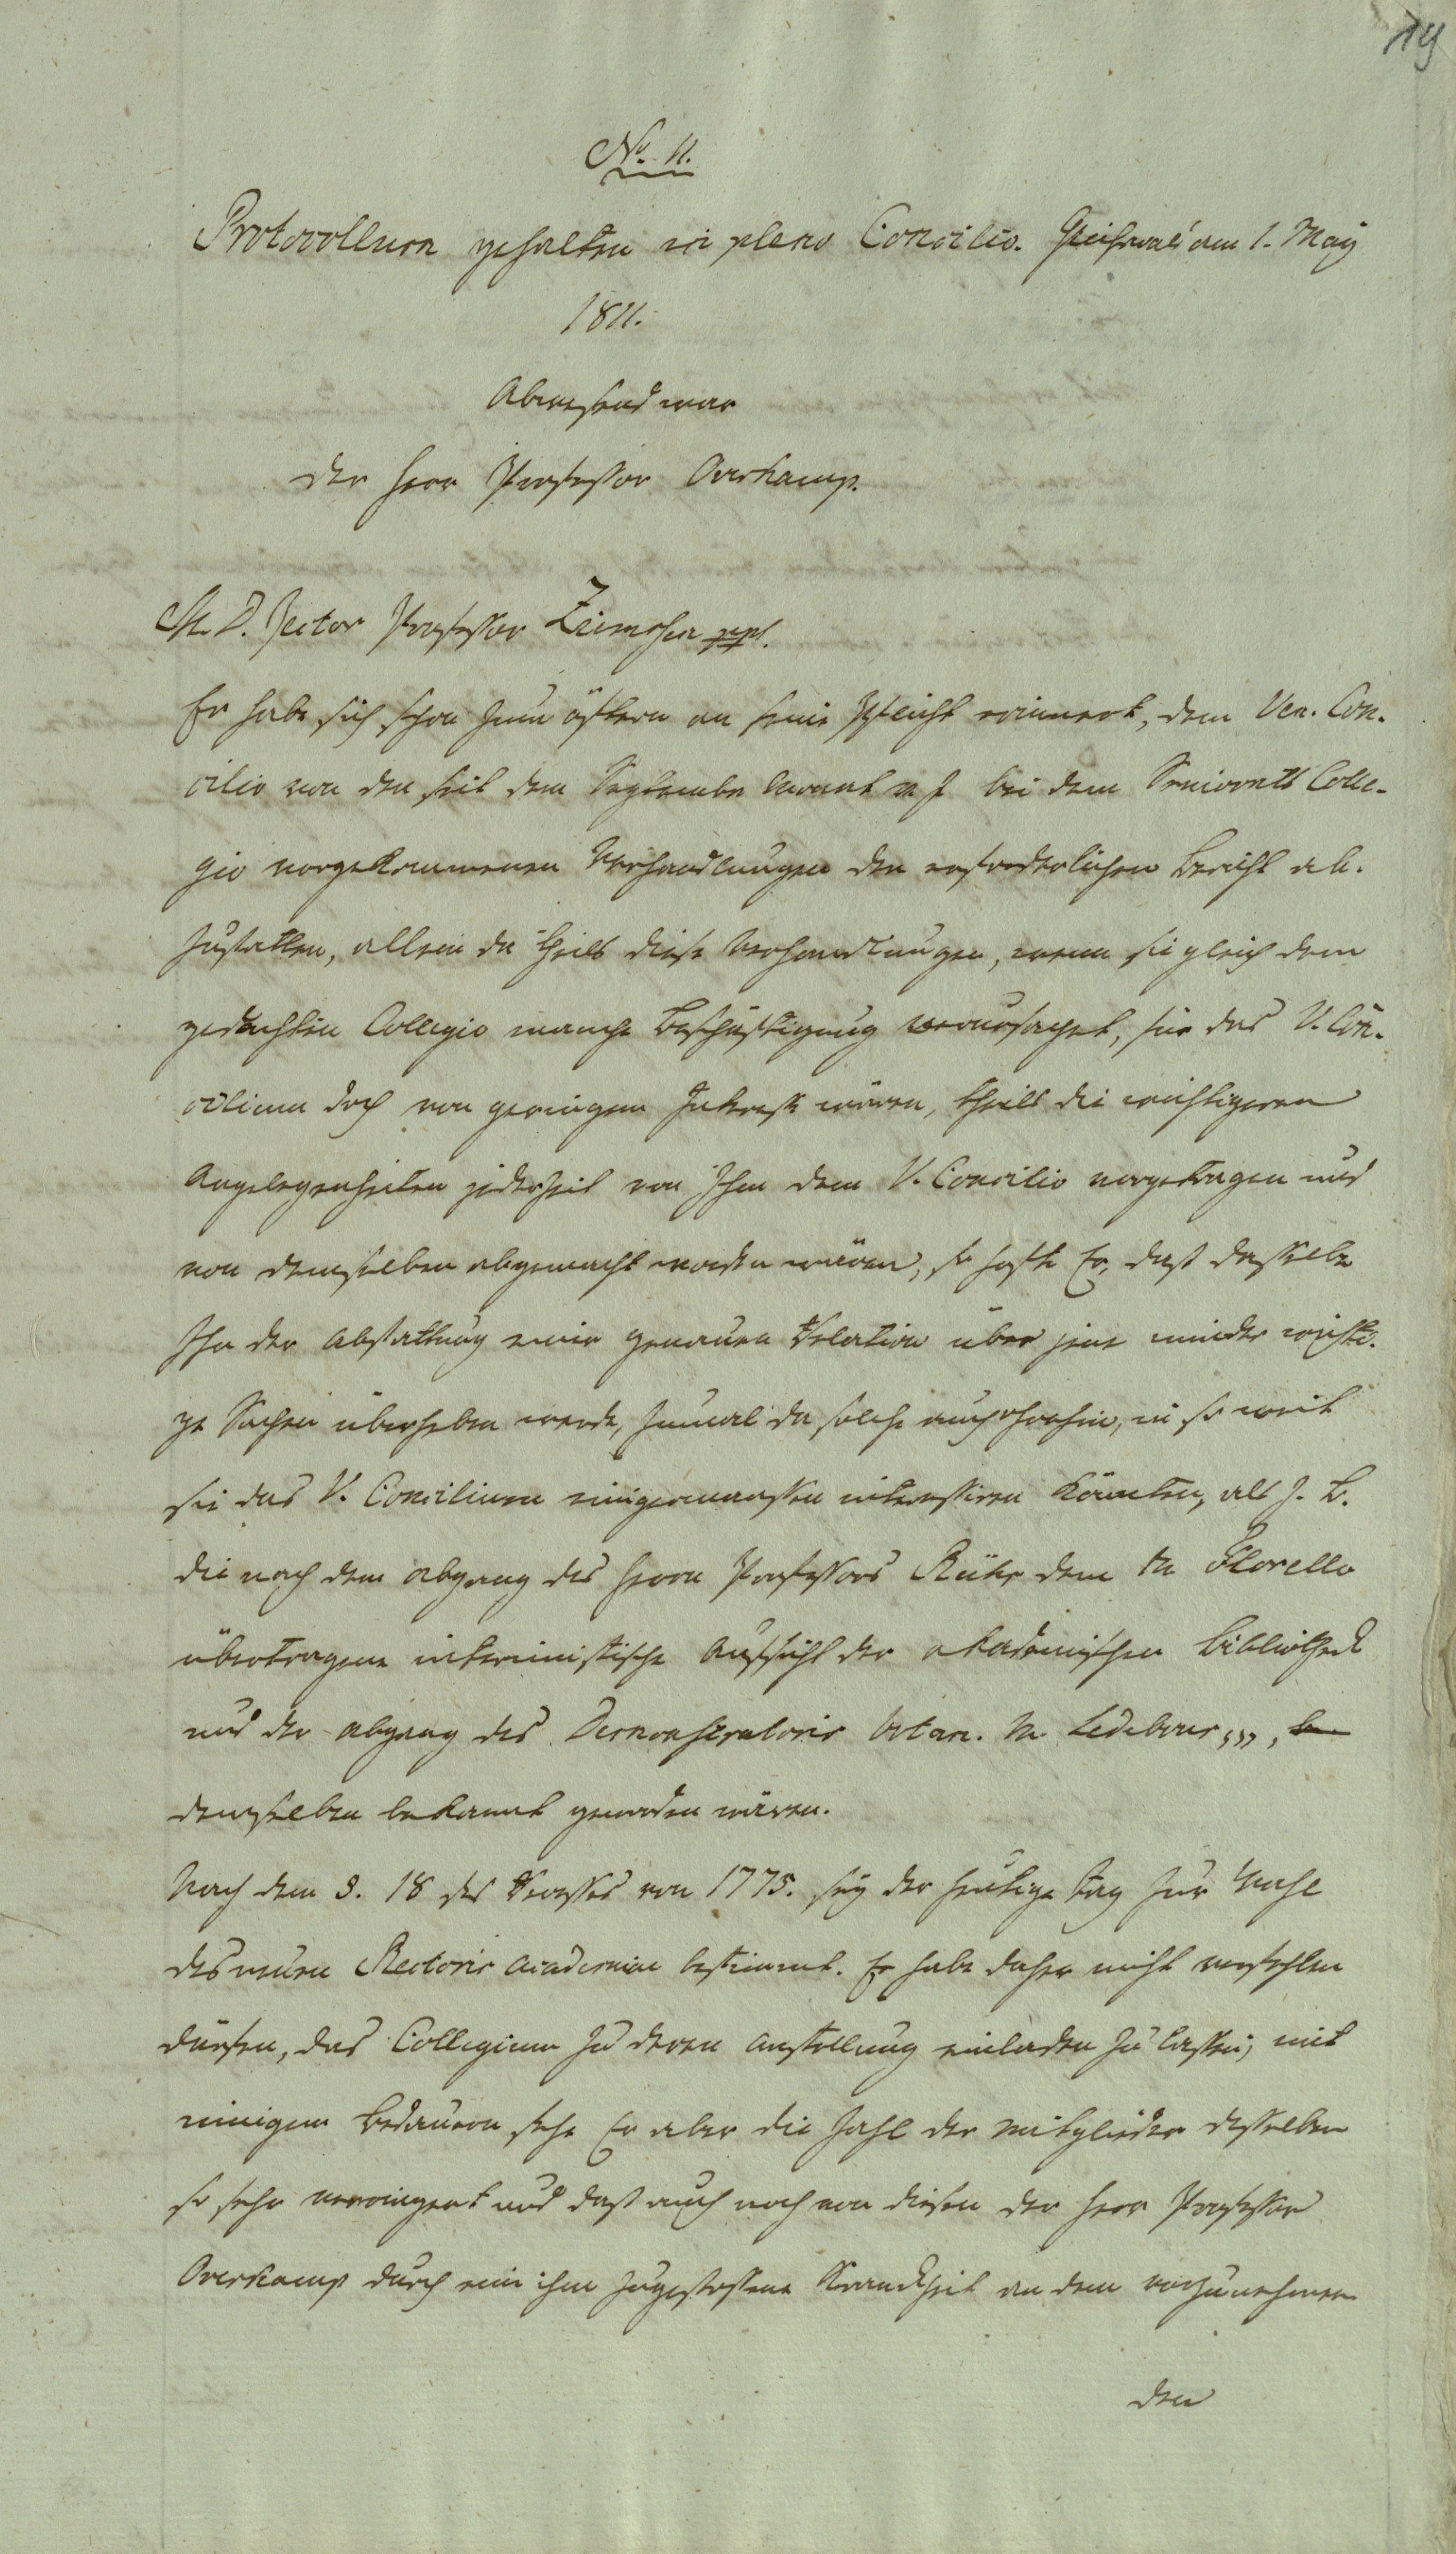Nº 11.
Protocollum gehalten in pleno Concilio. Greifswald am 1. Maÿ
1811.
Abwesend war
der Herr Professor Overkamp.
M. D. Rector Professor Ziemssen ppt.
Er habe sich schon zum öftern an seine Pflicht erinnert, dem Ven. Con¬
cilio von den seit dem Septembr Monat v. J. bei dem Seniorats Colle¬
gio vorgekommenen Verhandlungen den erforderlichen Bericht ab¬
zustatten, allein da theils diese Verhandlungen, wenn sie gleich dem
gedachten Collegio manche Beschäftigung verursachet, für das V. Con¬
cilium doch von geringem Interesse wären, theils die wichtigeren
Angelegenheiten jederzeit von Ihm dem V. Concilio vorgetragen und
von demselben abgemacht worden wären, so hofte Er, daß dasselbe
Ihn der Abstattung einer genauen Relation über jene minder wichti¬
ge Sachen überheben werde, zumal da solche auch ohnehin, in so weit
sie das V. Concilium einigermassen interessiren könnten, als z. B.
die nach dem Abgang des Herrn Professors Rühs dem M. Florello
übertragene interimistische Aufsicht der akademischen Bibliotheck
und der Abgang des Demonstratoris botan. M. Ledebour, be
demselben bekannt geworden wären.
Nach dem §. 18 des Recesses von 1775. seÿ der heutige Tag zur Wahl
des neuen Rectoris Academiae bestimmt. Er habe daher nicht verfehlen
dürfen, das Collegium zu deren Anstellung einladen zu lassen; mit
einigem Bedauern sehe Er aber die Zahl der Mitglieder desselben
so sehr verringert und daß auch noch von diesen der Herr Professor
Overkamp durch eine ihm zugestossene Kranckheit an dem vorzunehmen¬
den